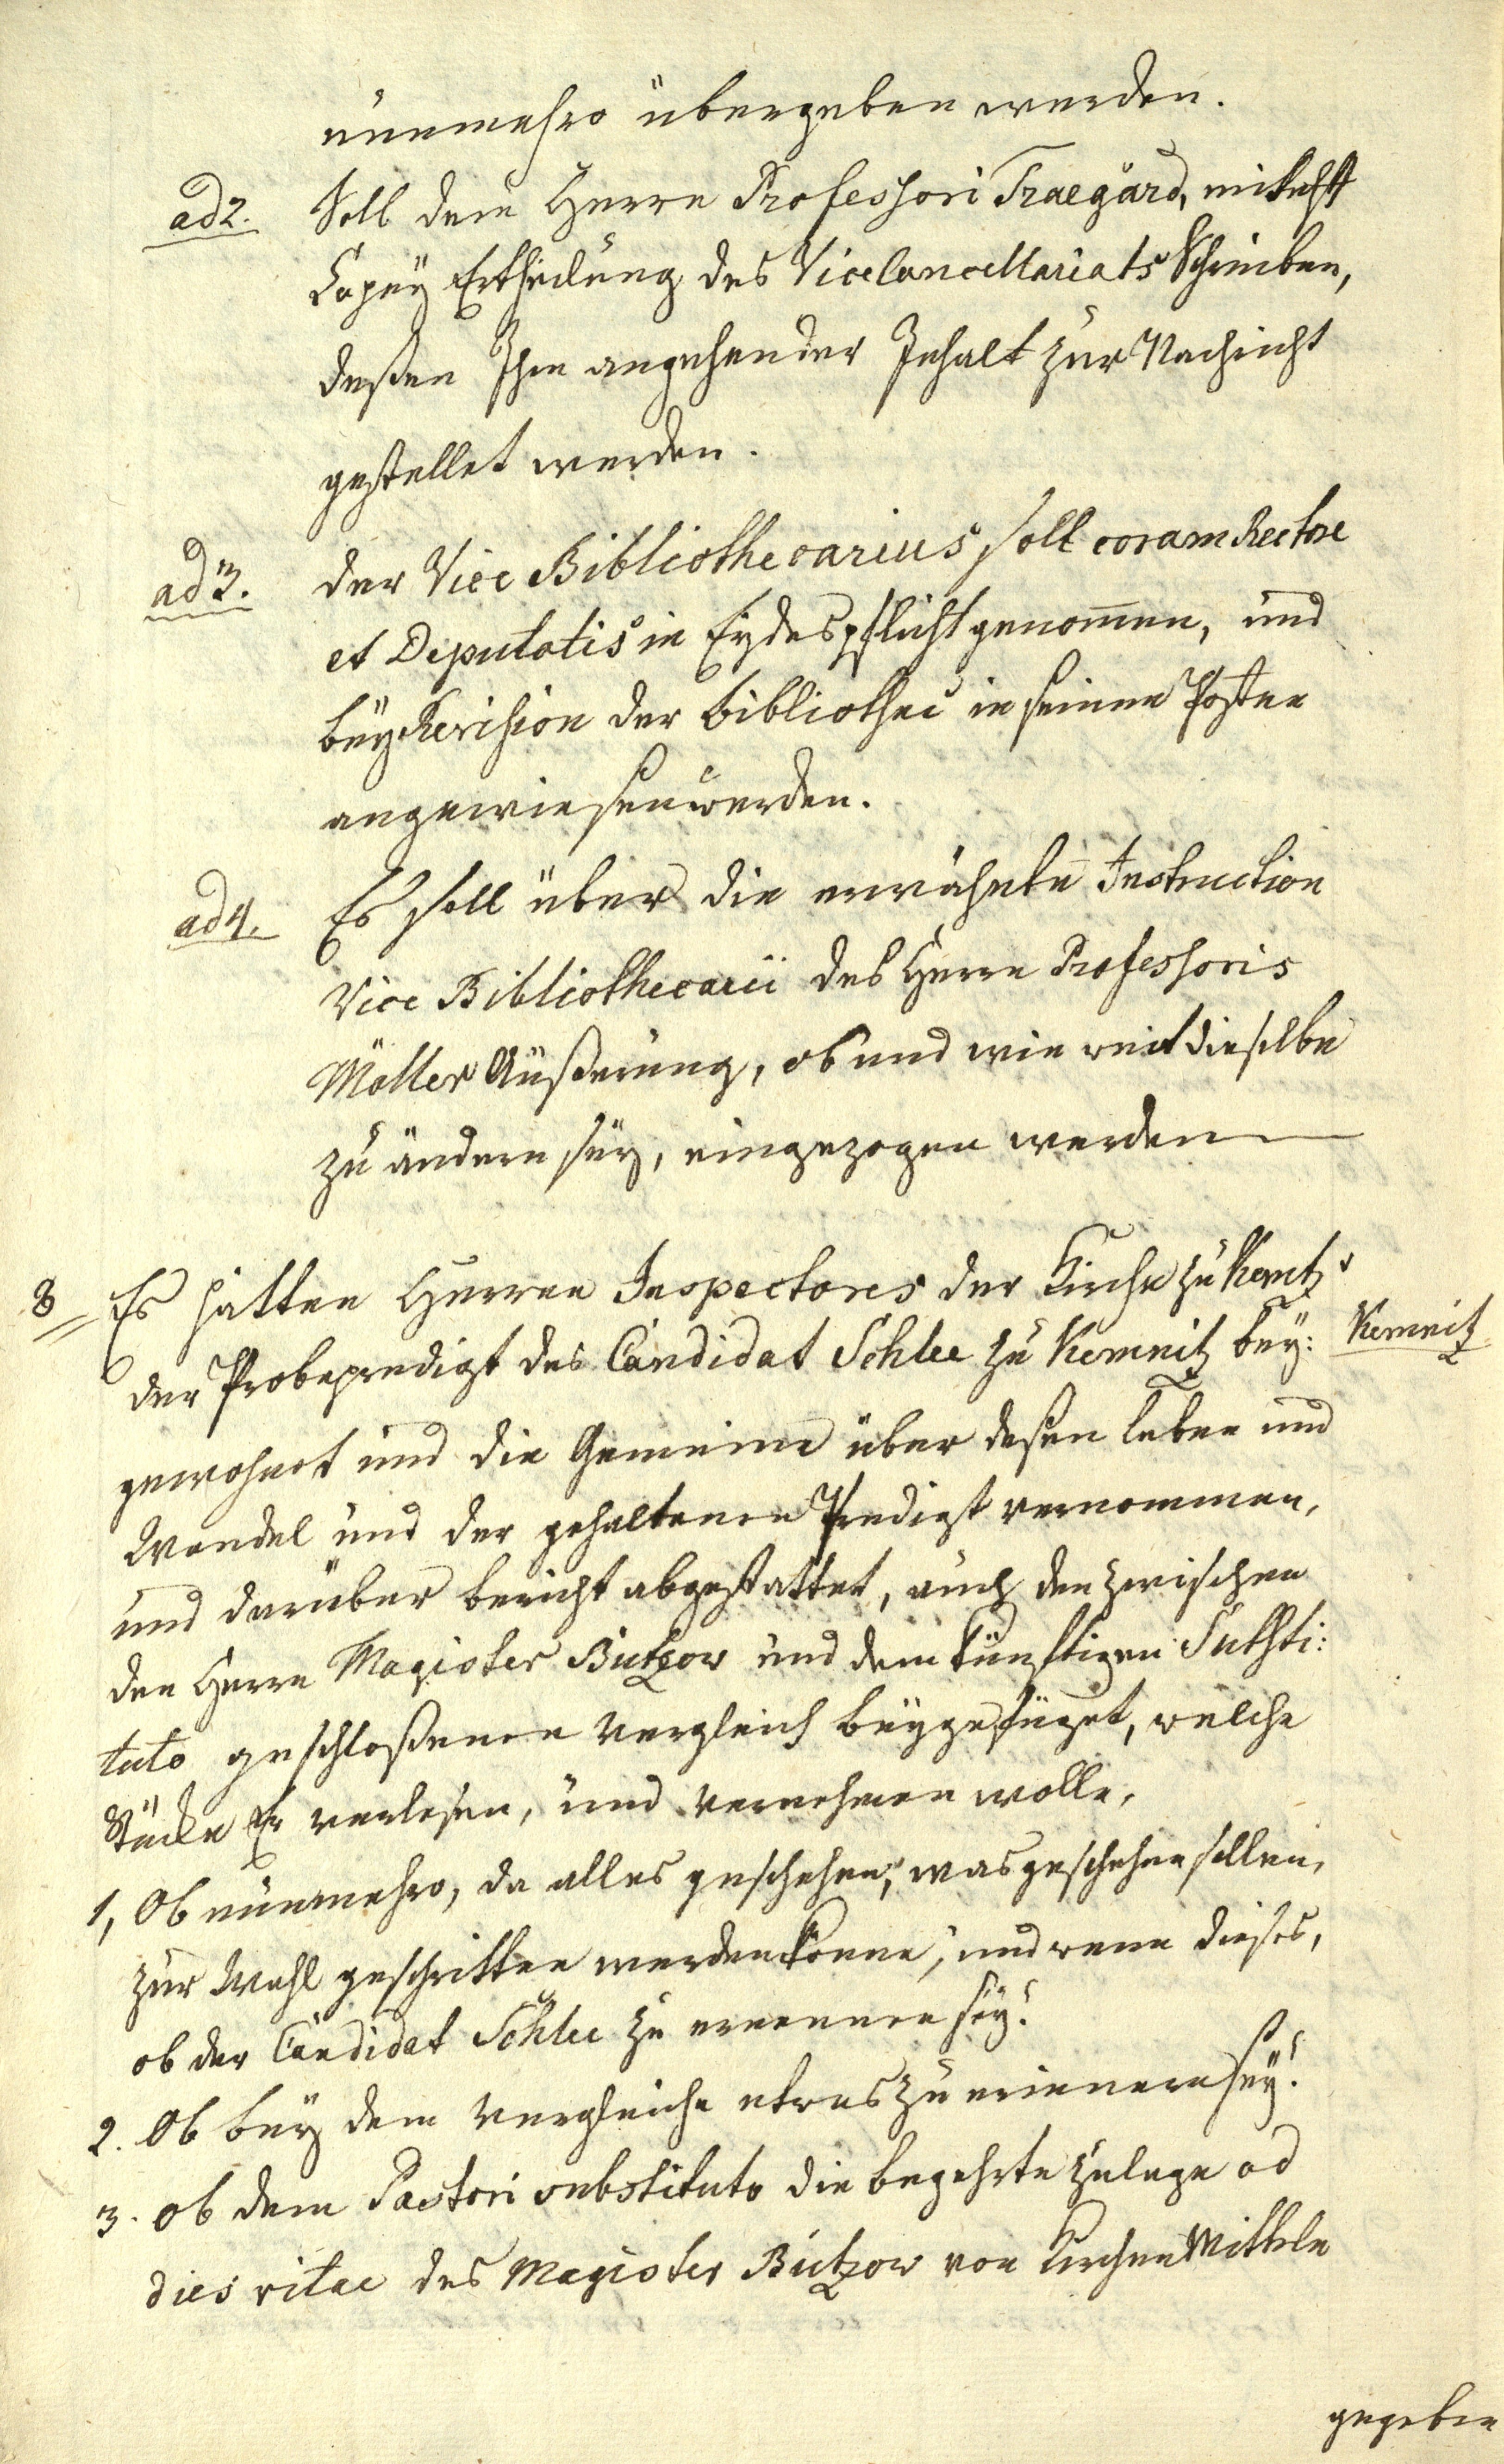nunmehro übergeben werden.
ad 2. Soll dem Herrn Professori Traegård, mittelst
Copeÿ Ertheilung des ViceCancellariats Schreiben,
deßen Ihm angehender Inhalt zur Nachricht
gestellet werden.
ad 3. der Vice Bibliothecarius soll coram Rectore
et Deputatis in Eÿdespflicht genomen, und
beÿ Revision der Bibliothec in seinen Posten
angewiesenwerden.
ad 4. Er soll über die erwähnte Instruction
Vice Bibliothecarii des Herrn Professoris
Möller Äußerung, ob und wie weit dieselbe
zu ändern seÿ, eingezogen werden.
8. Es hätten Herren Inspectores der Kirche zu Kemtz
der Probepredigt des Candidat Schlee zu Kemnitz beÿ¬
gewohnet und die Gemeine über deßen Leben und
Wandel und der gehaltenen Predigt vernommen,
und darüber Bericht abgestattet, auch den zwischen
den Herrn Magister Bützow und dem künftigen Substi¬
tuto geschloßenen Vergleich beÿgefüget, welche
Stücke Er verlesen, und vernehmen wolle,
1, Ob nunmehro, da alles geschehen was geschehen sollen.
zur Wahl geschritten werden könne, und wenn dieses,
ob der Candidat Schlee zu ernennen seÿ?
2. Ob beÿ dem Vergleiche etwas zu erinnern seÿ?
3. Ob dem Pastori substituto die begehrte Zulage ad
dies vitae des Magister Bützow von KirchenMitteln
gegeben